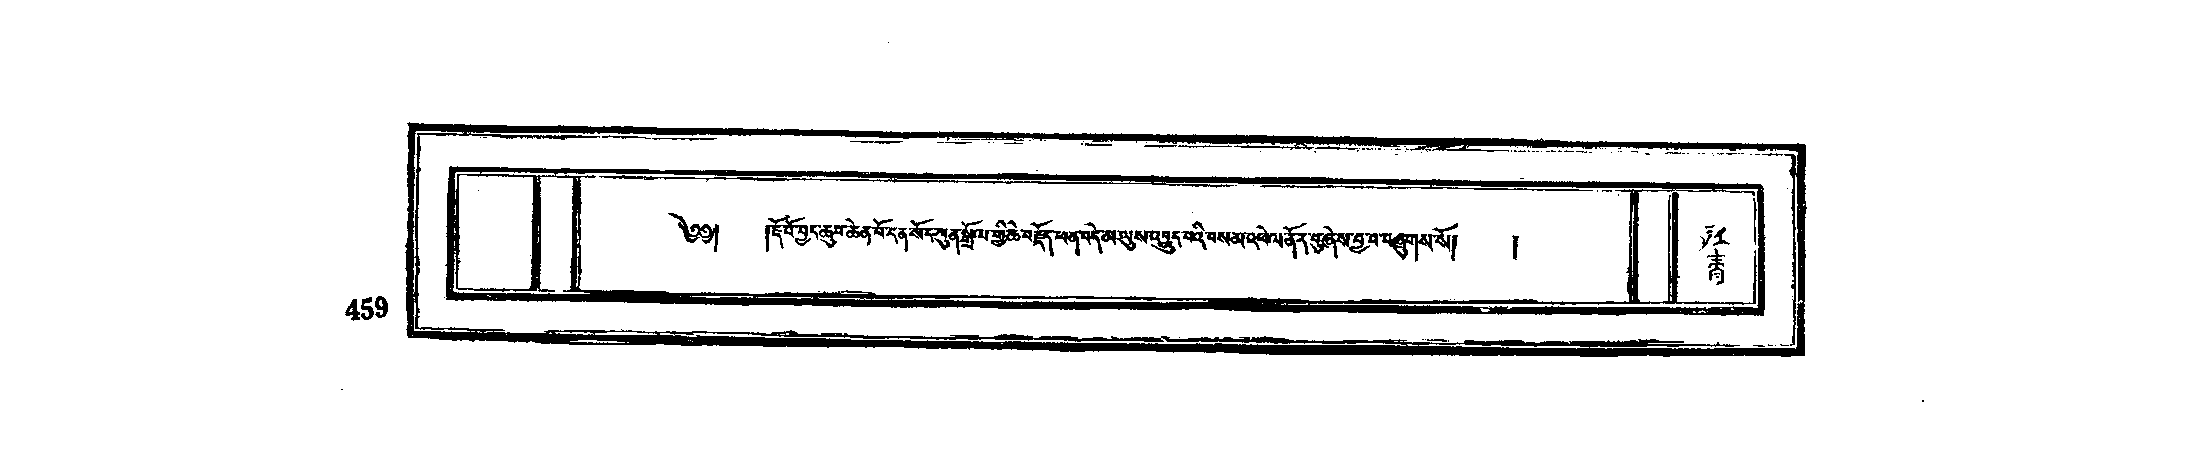༄༅། །ཇོ་བོ་བྱང་ཆུབ་ཆེན་པོ་ངན་སོང་ཀུན་སྒྲོལ་གྱི་ཆེ་བརྗོད་ཕན་བདེ་མ་ལུས་འབྱུང་བའི་བསམ་འཕེལ་ནོར་བུ་ཞེས་བྱ་བ་བཞུགས་སོ། །